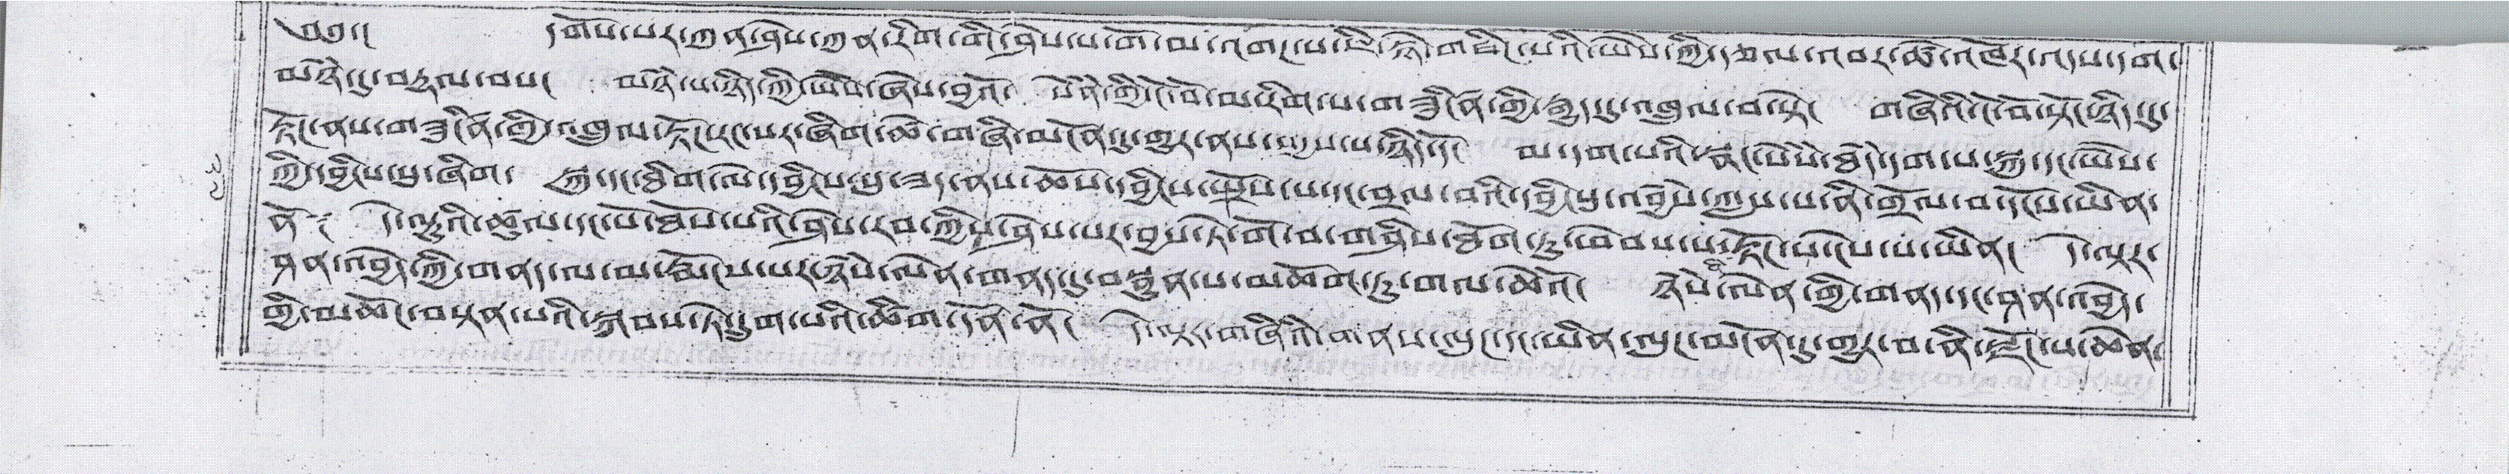དགོས་པར་ཀུན་ཤེས་ཀུན་རིག་གི་ཤེས་པ་གོ་མ་འགག་པ་ཇི་སྙེད་གཟིགས་པའི་ཡེ་ཤེས་ཀྱི་རྩལ་འབར་ཚེ་འཁོར་འདས་དག་
མཉམ་དུ་བརྡལ་བས། མཉམ་པ་ཉིད་ཀྱི་ཡེ་ཤེས་ཞེས་བྱའོ། སེམས་ཅན་གྱི་ངོ་བོ་མ་རིག་པ་གཟུང་འཛིན་གྱི་རྒྱུད་དུ་འཁྲུལ་བ་སྟེ། གཞིའི་སྟོང་ཉིད་དུ་
རྟོགས་ནས་གཟུང་འཛིན་གྱི་འཁྲུལ་རྟོག་རང་སར་ཞིག་ཚེ་གཞི་མངོན་དུ་གྱུར་ནས་སངས་རྒྱས་པ་ཉིད་དོ། མ་དག་པའི་སྣང་སེམས་ཐམས་ཅད་དག་པ་སྐུ་དང་ཡེ་ཤེས་
ཀྱི་དབྱིངས་སུ་ཞིག སྐུ་དང་ཐིག་ལེ་དབྱིངས་སུ་ཞིག་ནས་ཆོས་དབྱིངས་སྤྲོས་པ་དང་བྲལ་བའི་དབྱིངས་སུ་འབྱམས་ཀླས་པ་ནི་གྲོལ་བ་དངོས་ཡིན་
ནོ། དེ་ལྟ་བུའི་ཚུལ་དང་པོ་ཐོས་པའི་ཤེས་རབ་ཀྱིས་ཤེས་པར་བྱས་ཏེ་གོ་བ་གཤིས་ཐོག་ཏུ་ཕེབས་པ་ནི་རྟོགས་པ་ངེས་པ་ཡིན། དེ་ལྟར་
ཤན་འབྱེད་ཀྱི་གནད་ལ་མ་རྨོངས་པར་ཉམས་ལེན་གནད་དུ་བསྣུན་པ་མཆོག་ཏུ་གལ་ཆེའོ། ཉམས་ལེན་གྱི་གནད་དང་ཤན་འབྱེད་
ཀྱི་མཆོང་བསྟན་པའི་སྐབས་ཏེ་དྲུག་པའི་ཚིག་དོན་ནོ། དེ་ལྟར་གཞིའི་གནས་ལུགས་དང་ཡིན་ལུགས་མངོན་དུ་གྱུར་པ་ནི་རྫོགས་པ་ཆེན་